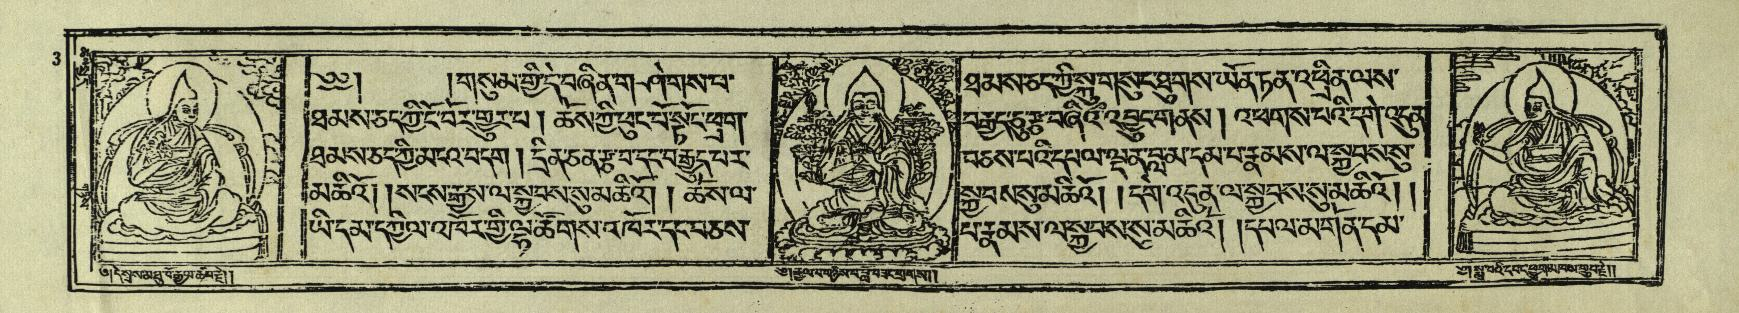༄༅། །གསུམ་གྱི་དེ་བཞིན་གཤེགས་པ་ཐམས་ཅད་ཀྱི་སྐུ་གསུང་ཐུགས་ཡོན་ཏན་འཕྲིན་ལས་
ཐམས་ཅད་ཀྱི་ངོ་བོར་གྱུར་པ། ཆོས་ཀྱི་ཕུང་པོ་སྟོང་ཕྲག་བརྒྱད་ཅུ་རྩ་བཞིཨཱྀ་འབྱུང་གནས། འཕགས་པའི་དགེ་འདུན་
ཐམས་ཅད་ཀྱི་མངའ་བདག། དྲིན་ཅན་རྩ་བ་དང་བརྒྱུད་པར་བཅས་པའི་དཔལ་ལྡན་བླ་མ་དམ་པ་རྣམས་ལ་སྐྱབས་སུ་
མཆིའོ། །སངས་རྒྱས་ལ་སྐྱབས་སུ་མཆིའོ། །ཆོས་ལ་སྐྱབས་སུ་མཆིའོ། །དགེ་འདུན་ལ་སྐྱབས་སུ་མཆིའོ། །
ཡི་དམ་དཀྱིལ་འཁོར་གྱི་ལྷ་ཚོགས་འཁོར་དང་བཅས་པ་རྣམས་ལ་སྐྱབས་སུ་མཆིའོ། །དཔལ་མགོན་དམ་